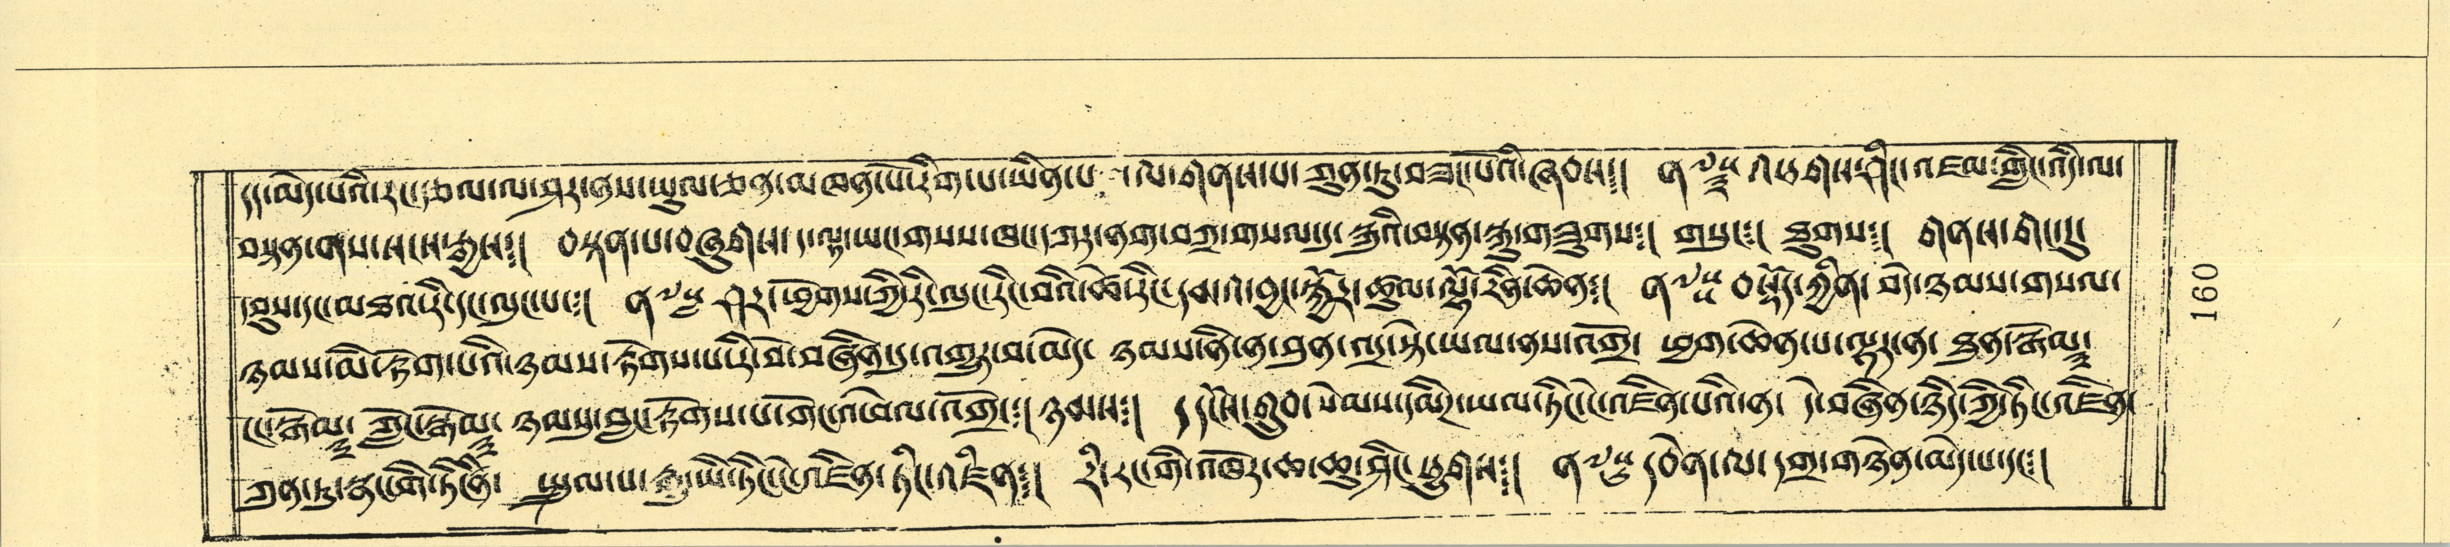དད་མེད་པའི་རང་རྩལ་ལ་ཤར་ནས་ཡུལ་ཅན་མཁན་པོ་རིག་པ་ཡིན་པ་༼ལ་གནས་པ༽ཀུན་ཏུ་བཟང་པོའི་༼ཞབས༽ན༧༥།༣ ༼འཕགས་ཤིང༽འཛམ་གླིང་འདི་ལ་
བསྟན་ནས་༼སངས་རྒྱས༽༼བསྟན་པ་བཞུགས༽ད་ལྟ་ཡང་གསས་ཁང་དཀར་ནག་བཀྲ་གསལ་དུ་སྐུའི་བསྟན་སྐུ་གཟུགས་གསུང་ཐུགས་༼གནས་གང་དུ༽
དབུས་དང་མཐའ་རི་དང་ལུང་པ་ན༧༥།༤༼ཤར༽ཕྱོགས་ཀྱི་རི་ལུང་རིང་བའི་ཚེ་རིང་༼དམའ་བྱང་སྐྱོར༽ཚུལ་༼ལྷོ༽རིན་ཆེན་ན༧༥།༥ ༼སྡོད་ཀྱིན༽བདེ་ཉམས་གསལ་
ཉམས་མི་རྟོག་པའི་ཉམས་རྟོགས་པ་རི་བོ་བཞིན་དུ་འགྱུར་པ་མེད་ཉམས་ནི་ན་བུན་འདྲ་སྟེ་ཡལ་ནས་འགྲོ ཕྱག་ཆེན་པ་ལྟར་ན་ཐུན་སྒོམ་
ངང་སྒོམ་ཀློང་སྒོམ་ཉམས་སུ་བླང་རྟོགས་པ་གོང་འཕེལ་འགྲོ་༼ཉམས། དངོས་གྲུབ༽སེམས་དམིགས་ཡལ་ཏིང་ངེ་འཛིན་པས་ན་དེ་བཞིན་ཉིད་ཀྱི་ཏིང་ངེ་འཛིན་
ཀུན་ཏུ་སྣང་གི་ཏིང་ངེ་འཛིན་སྤྲུལ་པ་རྒྱུ་ཡི་༼ཏིང་འཛིན༽༼རི༽རང་གི་འཁོར་ཆ་ཆུ་ཤིང་༼ཕྱུགས༽ན༧༥།༦༼དབེན་ལ༽དགྲ་གཉེན་མེད་པ་དང་